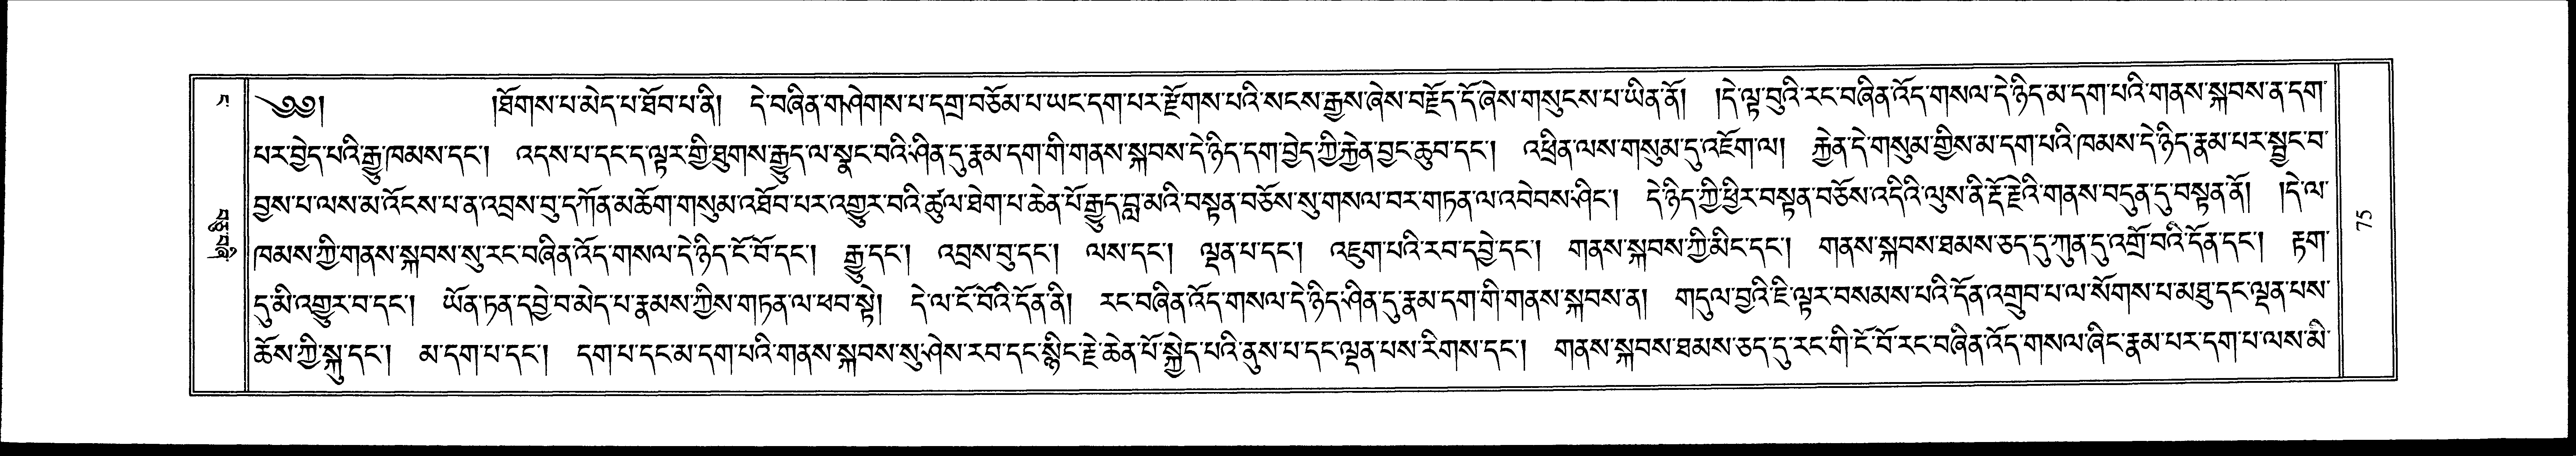༄༅། །ཐོགས་པ་མེད་པ་ཐོབ་པ་ནི། དེ་བཞིན་གཤེགས་པ་དགྲ་བཅོམ་པ་ཡང་དག་པར་རྫོགས་པའི་སངས་རྒྱས་ཞེས་བརྗོད་དོ་ཞེས་གསུངས་པ་ཡིན་ནོ། །དེ་ལྟ་བུའི་རང་བཞིན་འོད་གསལ་དེ་ཉིད་མ་དག་པའི་གནས་སྐབས་ན་དག་
པར་བྱེད་པའི་རྒྱུ་ཁམས་དང་། འདས་པ་དང་ད་ལྟར་གྱི་ཐུགས་རྒྱུད་ལ་སྣང་བའི་ཤིན་དུ་རྣམ་དག་གི་གནས་སྐབས་དེ་ཉིད་དག་བྱེད་ཀྱི་རྐྱེན་བྱང་ཆུབ་དང་། འཕྲིན་ལས་གསུམ་དང་འཇོག་ལ། རྐྱེན་དེ་གསུམ་གྱིས་མ་དག་པའི་ཁམས་དེ་ཉིད་རྣམ་པར་སྦྱང་བ་
བྱས་པ་ལས་མ་འོངས་པ་ན་འབྲས་བུ་དཀོན་མཆོག་གསུམ་འཐོབ་པར་འགྱུར་པའི་ཚུལ་ཐེག་པ་ཆེན་པོ་རྒྱུད་བླ་མའི་བསྟན་བཅོས་སུ་གསལ་བར་གཏན་ལ་འབེབས་ཤིང་། དེ་ཉིད་ཀྱི་ཕྱིར་བསྟན་བཅོས་འདིའི་ལུས་ནི་རྡོ་རྗེའི་གནས་བདུན་དུ་བསྟན་ནོ། །དེ་ལ་
ཁམས་ཀྱི་གནས་སྐབས་སུ་རང་བཞིན་འོད་གསལ་དེ་ཉིད་ངོ་བོ་དང་། རྒྱུ་དང་། འབྲས་བུ་དང་། ལས་དང་། ལྡན་པ་དང་། འཇུག་པའི་རབ་དབྱེ་དང་། གནས་སྐབས་ཀྱི་མིང་དང་། གནས་སྐབས་ཐམས་ཅད་དུ་ཀུན་དུ་འགྲོ་བའི་དོན་དང་། རྟག་
དུ་མི་འགྱུར་བ་དང་། ཡོན་ཏན་དབྱེ་བ་མེད་པ་རྣམས་ཀྱིས་གཏན་ལ་ཕབ་སྟེ། དེ་ལ་ངོ་བོའི་དོན་ནི། རང་བཞིན་འོད་གསལ་དེ་ཉིད་ཤིན་དུ་རྣམ་དག་གི་གནས་སྐབས་ན། གདུལ་བྱའི་ཇི་ལྟར་བསམས་པའི་དོན་འགྲུབ་པ་ལ་སོགས་པ་མཐུ་དང་ལྡན་པས་
ཆོས་ཀྱི་སྐུ་དང་། མ་དག་པ་དང་། དག་པ་དང་མ་དག་པའི་གནས་སྐབས་སུ་ཤེས་རབ་དང་སྙིང་རྗེ་ཆེན་པོ་སྐྱེད་པའི་ནུས་པ་དང་ལྡན་པས་རིགས་དང་། གནས་སྐབས་ཐམས་ཅད་དུ་རང་གི་ངོ་བོ་རང་བཞིན་འོད་གསལ་ཞིང་རྣམ་པར་དག་པ་ལས་མི་